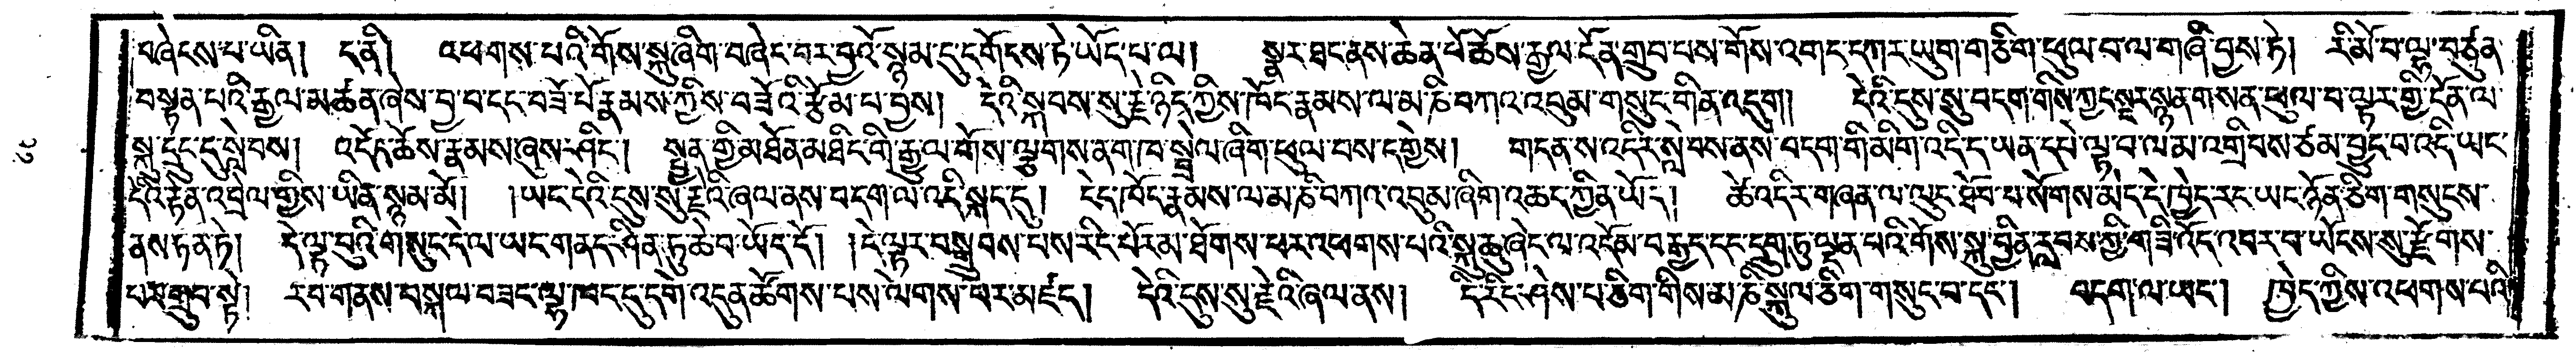བཞེངས་པ་ཡིན། ད་ནི། འཕགས་པའི་གོས་སྐུ་ཞིག་བཞེང་བར་བྱའོ་སྙམ་དུ་དགོངས་ཏེ་ཡོད་པ་ལ། སྣར་ཐང་ནས་ཆེན་པོ་ཆོས་རྒྱལ་དོན་གྲུབ་པས་གོས་འགང་དཀར་ཡུག་གཅིག་ཕུལ་བ་ལ་གཞི་བྱས་ཏེ། རི་མོ་བ་ལྷ་བཙུན་
བསྟན་པའི་རྒྱལ་མཚན་ཞེས་བྱ་བ་དང་བཟོ་པོ་རྣམས་ཀྱིས་བཟོའི་རྩོམ་པ་བྱས། དེའི་སྐབས་སུ་རྗེ་ཉིད་ཀྱིས་ཁོང་རྣམས་ལ་མ་ཎི་བཀའ་འབུམ་གསུང་གིན་འདུག། དེའི་དུས་སུ་བདག་གིས་ཀྱང་སྔར་སྙན་གསན་ཕུལ་བ་ལྟར་གྱི་དོན་ལ་
སྐུ་དྲུང་དུ་སླེབས། འདོད་ཆོས་རྣམས་ཞུས་ཤིང་། སྤྱན་གྱི་མཐོན་མཐིང་གི་རྒྱུ་ལ་གོས་ལྕགས་ནག་ཁ་སྦྲེལ་ཞིག་ཕུལ་བས་དགྱེས། གདན་ས་འདིར་སླེབས་ནས་བདག་གི་མིག་འདི་ད་ཡན་དཔེ་ལྟ་བ་ལ་མ་འགྲིབས་ཙམ་བྱུང་བ་འདི་ཡང་
དེའི་རྟེན་འབྲེལ་གྱིས་ཡིན་སྙམ་མོ། །ཡང་དེའི་དུས་སུ་རྗེའི་ཞལ་ནས་བདག་ལ་འདི་སྐད་དུ། ངེད་ཁོང་རྣམས་ལ་མ་ཎི་བཀའ་འབུམ་ཞིག་འཆད་ཀྱིན་ཡོད། ཚེ་འདིར་གཞན་ལ་ལུང་ཐོབ་པ་སོགས་མེད་དེ་ཁྱེད་རང་ཡང་ཉོན་ཅིག་གསུངས་
ནས་ཏན་ཏེ། དེ་ལྟ་བུའི་གསུང་དེ་ལ་ཡང་གནད་ཤིན་ཏུ་ཆེ་བ་ཡོད་དོ། །དེ་ལྟར་བསྒྲུབས་པས་རིང་པོར་མ་ཐོགས་ཕར་འཕགས་པའི་སྐུ་ཆུ་ཞེད་ལ་འདོམ་བརྒྱད་དང་དྲུག་ཏུ་ལྡན་པའི་གོས་སྐུ་བྱིན་རླབས་ཀྱི་གཟི་འོད་འབར་བ་ཡོངས་སུ་རྫོགས་
པར་གྲུབ་སྟེ། རབ་གནས་བསྐལ་བཟང་ལྷ་ཁང་དུ་དགེ་འདུན་ཚོགས་པས་ལེགས་བར་མཛད། དེའི་དུས་སུ་རྗེའི་ཞལ་ནས། དེ་རིང་ཤེས་པ་ཅིག་གིས་མ་ཎི་སྐུལ་ཅིག་གསུང་བ་དང་། བདག་ལ་ཡང་། ཁྱེད་ཀྱིས་འཕགས་པའི་